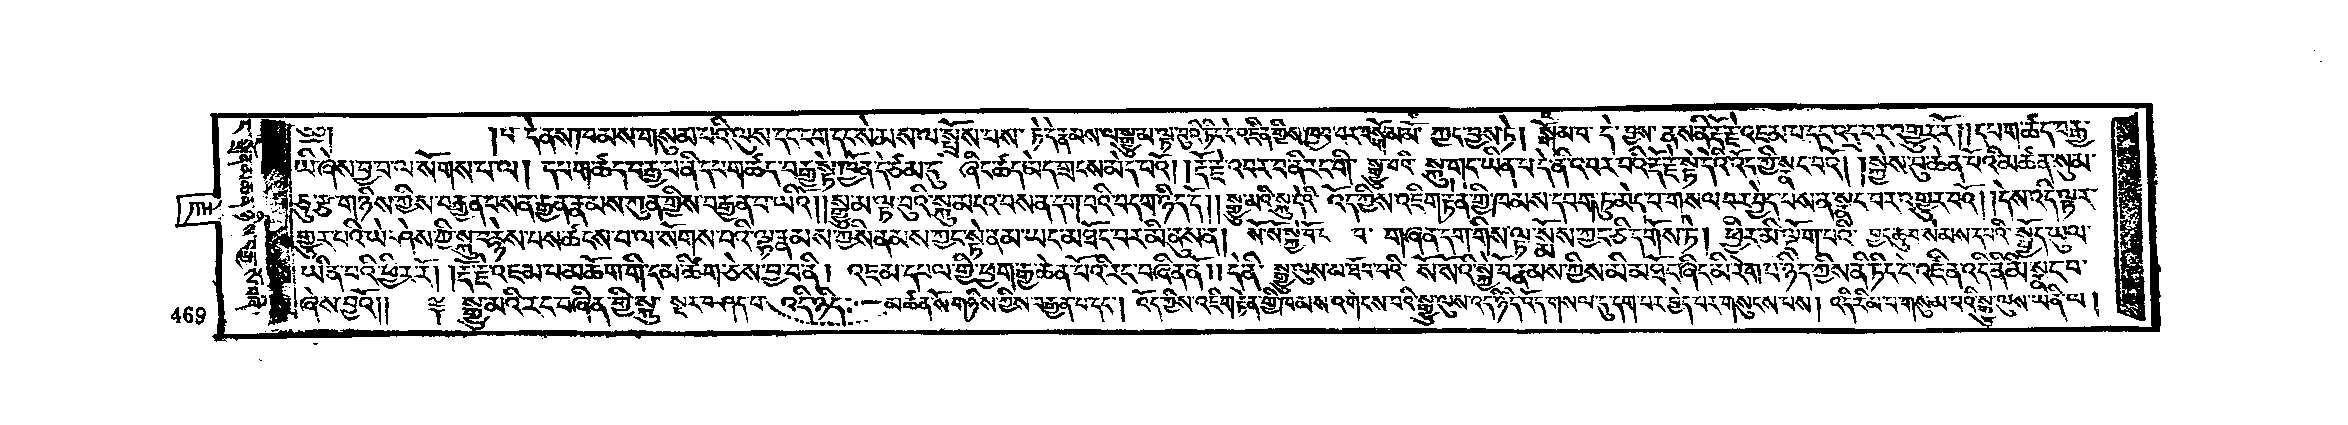༄༅། །པ་དེ་ནས་ཁམས་གསུམ་པའི་ལུས་དང་ངག་དང་སེམས་ལ་སྤྲོས་པས་ཏེ་དེ་རྣམས་ལ་སྒྱུ་མ་ལྟ་བུའི་ཏིང་ངེ་འཛིན་གྱིས་ཁྱད་པར་བསྒོམ་མོ་ཀྱང་བྱས་ཏེ། སྒོམ་པ་དེ་བྱས་ནས་ནི་རྡོ་རྗེ་འཇམ་པ་དང་འདྲ་བར་འགྱུར་རོ། །དཔག་ཚད་བརྒྱ་
ཡི་ཞེས་བྱ་བ་ལ་སོགས་པ་ལ། དཔག་ཚད་བརྒྱ་པ་ནི་དཔག་ཚད་བརྒྱ་སྟེ་ཁྱོན་དེ་ཙམ་དུ་ཆེ་ཞིང་ཚད་མེད་གྲངས་མེད་པའོ། །རྡོ་རྗེ་འབར་བ་ནི་རང་གི་སྒྱུ་མའི་སྐུ་གང་ཡིན་པ་དེ་ནི་འབར་བའི་རྡོ་རྗེ་སྟེ་དེའི་འོག་ཀྱི་སྣང་བའོ། །སྐྱེས་བུ་ཆེན་པོའི་མཚན་སུམ་
ཅུ་རྩ་གཉིས་ཀྱིས་བརྒྱན་པས་ན་རྒྱན་རྣམས་ཀུན་གྱིས་བརྒྱན་པ་ཡིའོ། །སྒྱུ་མ་ལྟ་བུའི་སྐུ་མངའ་བས་ན་དག་པའི་བདག་ཉིད་དོ། ། སྒྱུ་མའི་སྐུ་དེའི་འོད་ཀྱིས་འཇིག་རྟེན་གྱི་ཁམས་དཔག་ཏུ་མེད་པ་གསལ་བར་བྱེད་པས་ན་སྣང་བར་འགྱུར་བའོ། །དེས་འདི་ལྟར་
གྱུར་པའི་ཡེ་ཤེས་ཀྱི་སྐུ་བརྙེས་པས་ཚངས་པ་ལ་སོགས་པའི་ལྷ་རྣམས་ཀྱིས་ནམས་ཀྱང་སྟེ་ནམ་ཡང་མཐོང་བར་མི་ནུས་ན། སོ་སོ་སྐྱེ་བོ་ཕལ་པ་གཞན་དག་གིས་ལྟ་སྨོས་ཀྱང་ཅི་དགོས་ཏེ། ཕྱིར་མི་ལྡོག་པའི་བྱང་ཆུབ་སེམས་དཔའི་སྤྱོད་ཡུལ་
ཡིན་པའི་ཕྱིར་རོ། །རྡོ་རྗེ་འཇམ་པ་མཆོག་གི་དམ་ཚིག་ཅེས་བྱ་བ་ནི། འཇམ་དཔལ་གྱི་ཕྱག་རྒྱ་ཆེན་པོའི་རང་བཞིན་ནོ། །དེ་ནི་སྒྱུ་ལུས་མ་ཐོབ་པའི་སོ་སོའི་སྐྱེ་བོ་རྣམས་ཀྱིས་མི་མཐོང་ཞིང་མི་རེག་པ་ཉིད་ཀྱིས་ནི་ཏིང་ངེ་འཛིན་འདི་ནི་མི་སྣང་བ་
ཞེས་བྱའོ།། ༈ སྒྱུ་མའི་རང་བཞིན་གྱི་སྐུ་སྔར་བཤད་པ་འདི་ཉིདཿ་མཚན་སོ་གཉིས་ཀྱིས་བརྒྱན་པ་དང་། འོད་ཀྱིས་འཇིག་རྟེན་གྱི་ཁམས་འགེངས་པའི་སྒྱུ་ལུས་འདི་ཉིད་འོད་གསལ་དུ་དག་པར་བྱེད་པར་གསུངས་པས། འདི་རིམ་པ་གསུམ་པའི་སྒྱུ་ལུས་ཡིན་ལ།